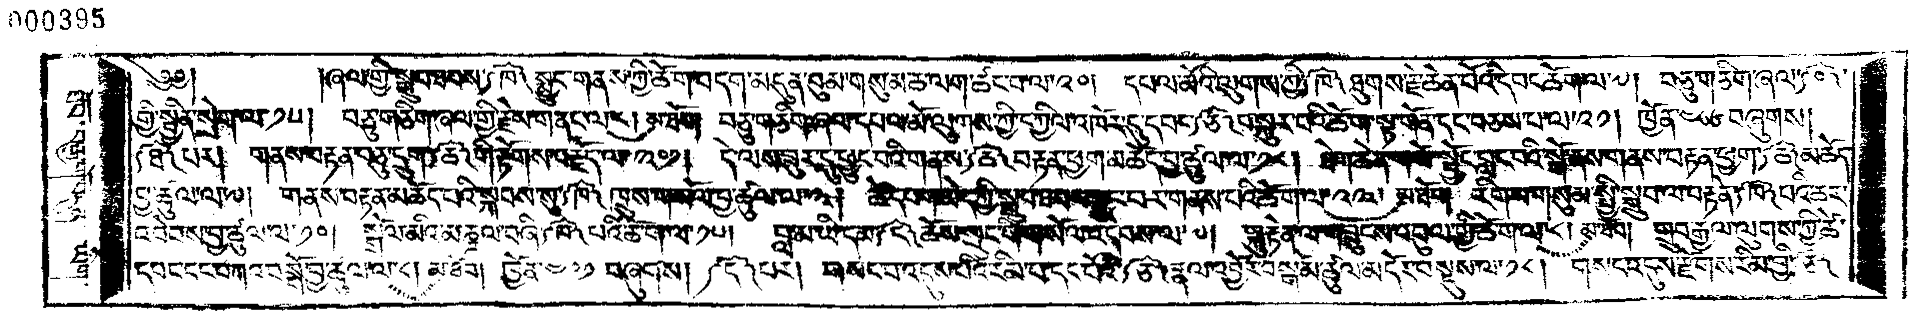༄༅། །ཞལ་གྱི་སྒྲུབ་ཐབས ༼ཁ༽ སྨྱུང་གནས་ཀྱི་ཆོ་ག་བདག་མདུན་བུམ་གསུམ་ཆ་ལག་ཚང་བ་ལ ༢༠། དཔལ་མོའི་ལུགས་ཀྱི ༼ཁ༽ ཐུགས་རྗེ་ཆེན་པོའི་དབང་ཆོག་ལ ༧། བཅུ་གཅིག་ཞལ་
གྱི་སྦྱིན་སྲེག་ལ ༡༥། བཅུ་གཅིག་ཞལ་གྱི་རྗེས་གནང་ལ ༨། མ་ཐོབ།  བཅུ་གཅིག་ཞལ་དཔལ་མོ་ལུགས་ཀྱི་དཀྱིལ་འཁོར་དུ་དབང ༼ཅ༽ བསྐུར་བའི་ཆོ་ག་སྟ་གོན་དང་བཅས་པ་ལ ༢༡། ཁྱོན ༤༦༦་བཞུགས།
༼ཐ༽ པར། གནས་བརྟན་བཅུ་དྲུག ༼ཆ༽ གི་རྟོགས་བརྗོད་ལ ༣༠༡། དེ་ལས་ཟུར་དུ་ཕྱུང་བའི་གནས ༼ཆ༽ བརྟན་ཕྱག་མཆོད་བྱ་ཚུལ་ལ ༡༨། ཐེག་ཆེན་གསོ་སྦྱོང་བླང་བའི་སྒོ་ནས་གནས་བརྟན་ཕྱག ༼ཆ༽ མཆོད་
བྱ་ཚུལ་ལ ༧། གནས་བརྟན་མཆོད་པའི་སྐབས་སུ ༼ཁ༽ ཁྲུས་གསོལ་བྱ་ཚུལ་ལ ༣། ཚེ་དཔག་མེད་ཀྱི་སྒྲུབ་ཐབས་སྨྱུང་བར་གནས་པའི་ཆོ་ག་ལ ༢༣། མ་ཐོབ།  རིགས་གསུམ་སྤྱི་སྒྲུབ་ལ་བརྟེན ༼ཁ༽ པའི་ཆར་
འབེབས་བྱ་ཚུལ་ལ ༡༠། སྒྲོལ་མའི་མཎྜལ་བཞི ༼ཁ༽ པའི་ཆོ་ག་ལ ༡༥། བླ་མ་ཡི་དམ ༼ང༽ ཆོས་སྲུང་གི་གསོལ་འདེབས་ལ ༧། སྐུ་རྟེན་ལ་གཟུངས་འབུལ་གྱི་ཆོ་ག་ལ ༨། མ་ཐོབ།  གྲུབ་རྒྱལ་ལུགས་ཀྱི་ཚེ་
དབང་དང་བཀའ་བསྒོ་བྱ་ཚུལ་ལ ༨། མ་ཐོབ།  ཁྱོན ༤༠༡་བཞུགས། ༼ད༽ པར། གསང་བ་འདུས་པའི་རིམ་པ་དང་པོའི ༼ཅ༽ རྣལ་འབྱོར་བསྒོམ་ཚུལ་མདོར་བསྡུས་ལ ༡༨། གསང་འདུས་རྫོགས་རིམ་གྱི ༼ཅ༽